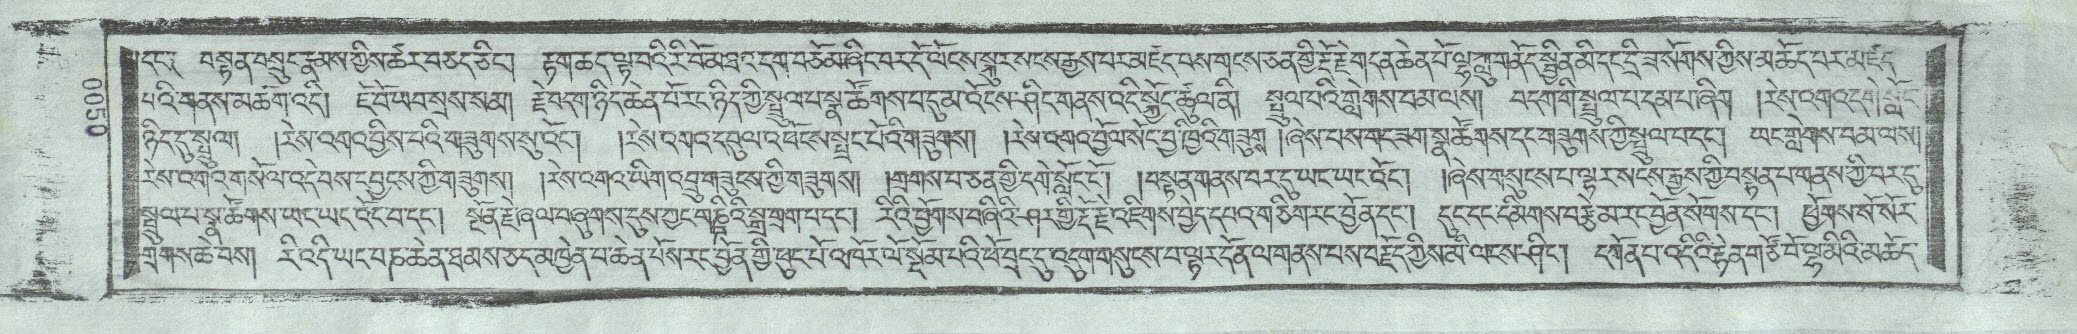དང་། བསྟན་བསྲུང་རྣམས་ཀྱིས་ཚར་བཅད་ཅིང་། རྟག་ཆད་ལྟ་བའི་རི་བོ་མཐའ་དག་བཅོམ་ཞིང་བར་དོ་ལོངས་སྐུར་སངས་རྒྱས་པར་མཛད་བས་གངས་ཅན་གྱི་རྡོ་རྗེ་གདན་ཆེན་པོ་ལྷ་ཀླུ་གནོད་སྦྱིན་མི་དང་དྲི་ཟ་སོགས་ཀྱིས་མཆོད་པར་མཛད་
པའི་གནས་མཆོག་འདི། ཇོ་བོ་ཡབ་སྲས་སམ། རྗེ་བདག་ཉིད་ཆེན་པོ་རང་ཉིད་ཀྱི་སྤྲུལ་པ་སྣ་ཚོགས་པ་དུ་མ་འོངས་ཤིང་གནཾས་འདི་སྐྱོང་ཚུལ་ནི། སྤྲུལ་པའི་གླེགས་བམ་ལས། བདག་གི་སྤྲུལ་པ་དམ་པ་ཞིག། །རེས་འགའ་དགེ་སློང་
ཉིད་དུ་སྤྲུལ། །རེས་འགའ་བྱིས་པའི་གཟུགས་སུ་འོང་། །རེས་འགའ་དབུལ་འཕོངས་སྤྲང་པོའི་གཟུགས། །རེས་འགའ་བྱོལ་སོང་བྱ་ཁྱིའི་གཟུགས་།ཞེས་པས་གང་ཟག་སྣ་ཚོགས་དང་གཟུགས་ཀྱི་སྤྲུལ་པ་དང་། ཡང་གླེགས་བམ་ལས།
རེས་འགའ་གསོལ་འདེབས་དབྱངས་ཀྱི་གཟུགས། །རེས་འགའ་ཡིག་འབྲུ་གཟུངས་ཀྱི་གཟུགས། །གྲགས་པ་ཅན་གྱི་དགེ་སློང་ངོ། །བསྟན་གནས་བར་དུ་ཡང་ཡང་འོང་། །ཞེས་གསུངས་པ་ལྟར་སངས་རྒྱས་ཀྱི་བསྟན་པ་གནས་ཀྱི་བར་དུ་
སྤྲུལ་པ་སྣ་ཚོགས་ཡང་ཡང་འོང་བ་དང་། སྔོན་རྗེ་ཞལ་བཞུགས་དུས་ཀྱང་གཎྜིའི་སྒྲ་གྲག་པ་དང་། རིའི་ཕྱོགས་བཞིའི་ཤར་གྱི་རྡོ་རྗེ་འཇིགས་བྱེད་དཔའ་གཅིག་རང་བྱོན་དང་། དུང་དང་དམིགས་བརྩེ་མ་རང་བྱོན་སོགས་དང་། ཕྱོགས་སོ་སོར་
གྲགས་ཆེ་བས། རི་འདི་ཡང་པཎ་ཆེན་ཐམས་ཅད་མཁྱེན་པ་ཆེན་པོས་རང་བྱོན་གྱི་ཕུང་པོ་འཁོར་ལོ་སྡོམ་པའི་ཕོ་བྲང་དུ་འདུག་གསུངས་པ་ལྟར་དོན་ལ་གནས་པས་བརྗོད་ཀྱིས་མི་ལངས་ཤིང་། དཀོན་པ་འདིའི་རྟེན་གཙོ་བོ་ལྷ་མིའི་མཆོད་